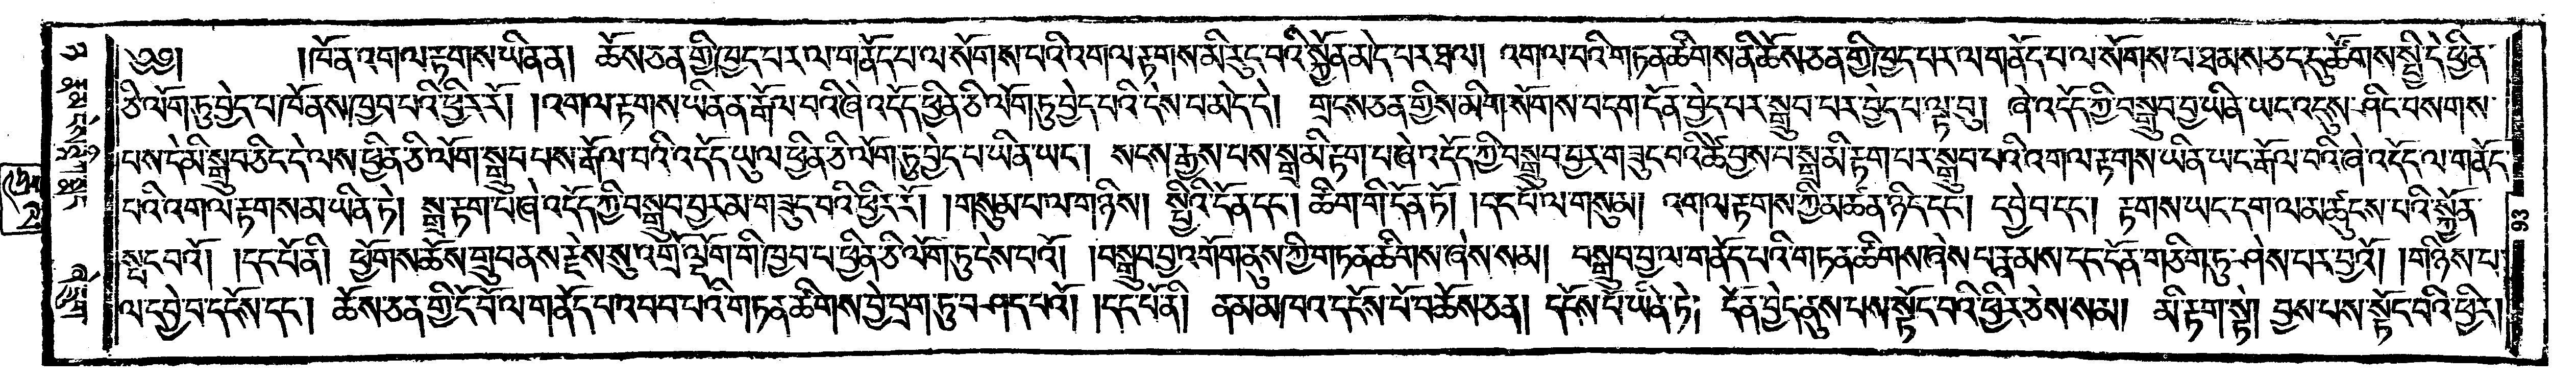༄༅། །ཁོ་ན་འགལ་རྟགས་ཡིན་ན། ཆོས་ཅན་གྱི་ཁྱད་པར་ལ་གནོད་པ་ལ་སོགས་པའི་འགལ་རྟགས་མི་རུང་བའི་སྐྱོན་མེད་པར་ཐལ། འགལ་བའི་གཏན་ཚིགས་ནི་ཆོས་ཅན་གྱི་ཁྱད་པར་ལ་གནོད་པ་ལ་སོགས་པ་ཐམས་ཅད་དུ་ཚོགས་སྤྱི་དེ་ཕྱིན་
ཅི་ལོག་ཏུ་བྱེད་པ་ཁོ་ནས་ཁྱབ་པའི་ཕྱིར་རོ། །འགལ་རྟགས་ཡིན་ན་རྒོལ་བའི་ཞེ་འདོད་ཕྱིན་ཅི་ལོག་ཏུ་བྱེད་པའི་དེས་པ་མེད་དེ། གྲངས་ཅན་གྱིས་མིག་སོགས་བདག་དོན་བྱེད་པར་སྒྲུབ་པར་བྱེད་པ་ལྟ་བུ། ཞེ་འདོད་ཀྱི་བསྒྲུབ་བྱ་ཡིན་ཡང་འདུས་ཤིང་བསགས་
པས་དེ་མི་སྒྲུབ་ཅིང་དེ་ལས་ཕྱིན་ཅི་ལོག་སྒྲུབ་པས་རྒོལ་བའི་འདོད་ཡུལ་ཕྱིན་ཅི་ལོག་ཏུ་བྱེད་པ་ཡིན་ཡང་། སངས་རྒྱས་པས་སྒྲ་མི་རྟག་པ་ཞེ་འདོད་ཀྱི་བསྒྲུབ་བྱར་གཟུང་བའི་ཚེ་བྱས་པ་སྒྲ་མི་རྟག་པར་སྒྲུབ་པའི་འགལ་རྟགས་ཡིན་ཡང་རྒོལ་བའི་ཞེ་འདོད་ལ་གནོད་
པའི་འགལ་རྟགས་མ་ཡིན་ཏེ། སྒྲ་རྟག་པ་ཞེ་འདོད་ཀྱི་བསྒྲུབ་བྱར་མ་གཟུང་བའི་ཕྱིར་རོ། །གསུམ་པ་ལ་གཉིས། སྤྱིའི་དོན་དང་། ཚིག་གི་དོན་ཏོ། །དང་པོ་ལ་གསུམ། འགལ་རྟགས་ཀྱི་མཚན་ཉིད་དང་། དབྱེ་བ་དང་། རྟགས་ཡང་དག་ལ་མཚུངས་པའི་སྐྱོན་
སྤང་བའོ། །དང་པོ་ནི། ཕྱོགས་ཆོས་གྲུབ་ནས་རྗེས་སུ་འགྲོ་ལྡོག་གི་ཁྱབ་པ་ཕྱིན་ཅི་ལོག་ཏུ་ངེས་པའོ། །བསྒྲུབ་བྱ་འགོག་ནུས་ཀྱི་གཏན་ཚིགས་ཞེས་སམ། བསྒྲུབ་བྱ་ལ་གནོད་པའི་གཏན་ཚིགས་ཞེས་པ་རྣམས་དང་དོན་གཅིག་ཏུ་ཤེས་པར་བྱའོ། །གཉིས་པ་
ལ་དབྱེ་བ་དངོས་དང་། ཆོས་ཅན་གྱི་ངོ་བོ་ལ་གནོད་པ་འབབ་པའི་གཏན་ཚིགས་བྱེ་བྲག་ཏུ་བཤད་པའོ། །དང་པོ་ནི། ནམ་མཁའ་དངོས་པོ་བ་ཆོས་ཅན། དངོས་པོ་ཡིན་ཏེ། དོན་བྱེད་ནུས་པས་སྟོང་བའི་ཕྱིར་ཅེས་སམ། མི་རྟག་སྟེ། བྱས་པས་སྟོང་བའི་ཕྱིར།